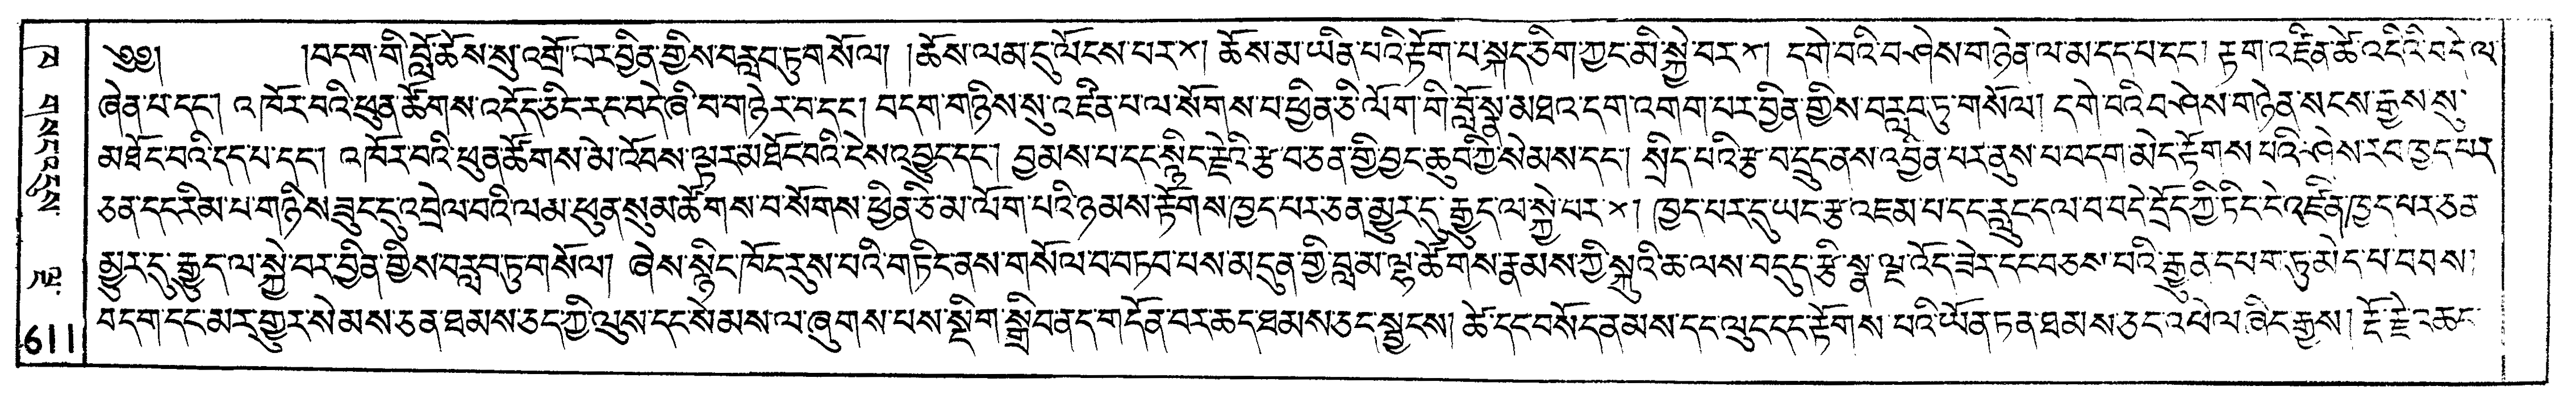༄༅། །བདག་གི་བློ་ཆོས་སུ་འགྲོ་བར་བྱིན་གྱིས་བརླབ་ཏུ་གསོལ། །ཆོས་ལམ་དུ་ལོངས་པར་྾། ཆོས་མ་ཡིན་པའི་རྟོག་པ་སྐད་ཅིག་ཀྱང་མི་སྐྱེ་བར་྾། དགེ་བའི་བཤེས་གཉེན་ལ་མ་དད་པ་དང་། རྟག་འཛིན་ཚེ་འདིའི་བདེ་ལ་
ཞེན་པ་དང་། འཁོར་བའི་ཕུན་ཚོགས་འདོད་ཅིང་རང་བདེ་ཞི་བ་གཉེར་བ་དང་། བདག་གཉིས་སུ་འཛིན་པ་ལ་སོགས་པ་ཕྱིན་ཅི་ལོག་གི་བློ་སྣ་མཐའ་དག་འགག་པར་བྱིན་གྱིས་བརླབ་ཏུ་གསོལ། དགེ་བའི་བཤེས་གཉེན་སངས་རྒྱས་སུ་
མཐོང་བའི་དད་པ་དང་། འཁོར་བའི་ཕུན་ཚོགས་མེ་འོབས་ལྟར་མཐོང་བའི་ངེས་འབྱུང་དང་། བྱམས་པ་དང་སྙིང་རྗེའི་རྩ་བ་ཅན་གྱི་བྱང་ཆུབ་ཀྱི་སེམས་དང་། སྲིད་པའི་རྩ་བ་དྲུང་ནས་འབྱིན་པར་ནུས་པ་བདག་མེད་རྟོགས་པའི་ཤེས་རབ་ཁྱད་པར་
ཅན་དང་རིམ་པ་གཉིས་ཟུང་དུ་འབྲེལ་བའི་ལམ་ཕུན་སུམ་ཚོགས་པ་སོགས་ཕྱིན་ཅི་མ་ལོག་པའི་ཉམས་རྟོགས་ཁྱད་པར་ཅན་མྱུར་དུ་རྒྱུད་ལ་སྐྱེ་པར་྾། ཁྱད་པར་དུ་ཡང་རྩ་འཇམ་པ་དང་རླུང་དལ་བ་བདེ་དྲོད་ཀྱི་ཏིང་ངེ་འཛིན་ཁྱད་པར་ཅན་
མྱུར་དུ་རྒྱུད་ལ་སྐྱེ་བར་བྱིན་གྱིས་བརླབ་ཏུ་གསོལ། ཞེས་སྙིང་ཁོང་རུས་པའི་གཏིང་ནས་གསོལ་བ་བཏབ་པས་མདུན་གྱི་བླ་མ་ལྷ་ཚོགས་རྣམས་ཀྱི་སྐུའི་ཆ་ལས་བདུད་རྩི་སྣ་ལྔ་འོད་ཟེར་དང་བཅས་པའི་རྒྱུན་དཔག་ཏུ་མེད་པ་བབས།
བདག་དང་མར་གྱུར་སེམས་ཅན་ཐམས་ཅད་ཀྱི་ལུས་དང་སེམས་ལ་ཞུགས་པས་སྡིག་སྒྲིབ་ནད་གདོན་བར་ཆད་ཐམས་ཅད་སྦྱངས། ཚེ་དང་བསོད་ནམས་དང་ལུང་དང་རྟོགས་པའི་ཡོན་ཏན་ཐམས་ཅད་འཕེལ་ཞིང་རྒྱས། རྡོ་རྗེ་འཆང་